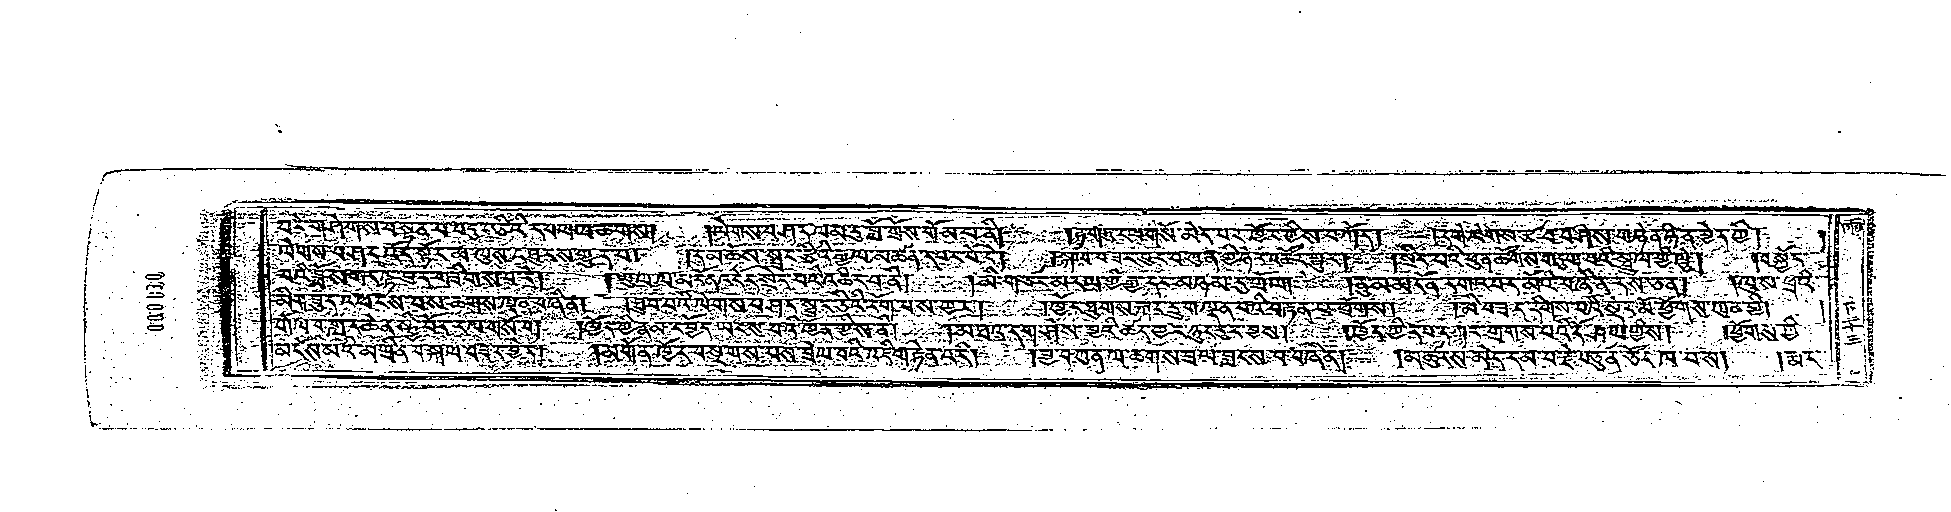བདེ་གཤེགས་བསྟན་པ་བདུད་རྩིའི་དཔལ་ལ་ཆགས། །ལེགས་བཤད་ལམ་དུ་བློ་གྲོས་གོམ་པ་ནི། །རྟག་ཏུ་ངལ་གསོ་མེད་པར་ཁྱོད་ཀྱིས་བཀོད། །དགེ་ལེགས་རྩ་བ་བཤེས་གཉེན་ཉིན་བྱེད་ཀྱི། །
ལེགས་བཤད་འོང་སྟོང་མ་ལུས་འཐུངས་གྱུར་བ། །དམ་ཆོས་སྦྲང་རྩིའི་རྒྱལ་མཚན་དབང་པོ་དེ། །སྐལ་བཟང་བུང་བ་ཀུན་གྱི་ཉེར་འཚོར་གྱུར། །སྲིད་པའི་ཕུན་ཚོགས་གདུག་པའི་སྤྲུལ་གྱི་ལྩེ། །བསྐྱོད་
པའི་ཟློས་གང་ལྟ་བུར་གཟིགས་པ་དེ། །ཡུལ་ལ་མངོན་འདོད་སྲིད་བའི་འཆིང་བ་ནི། །མི་གཙང་མངལ་གྱི་རྒྱ་དང་མཉམ་དུ་གྲོལ། །ནུམ་མངོན་དགའ་པད་མོའི་བཞིན་ངས་ཅན། །ལུས་ཕྲའི་
མིག་ཟུར་འཕངས་བས་ཆགས་ལྡན་བཞིན། །ཐུབ་བའི་ལེགས་བཤད་སྤྲང་ཅིའི་དོག་པས་ཀྱང་། །ཁྱོད་ཐུགས་རྐང་དྲུག་ལྡན་བའི་བརྟན་པ་ཕྲོགས། །མི་བཟང་རིགས་པའི་སྡེར་མོ་ཕྱོགས་ཀུན་གྱི། །
གོལ་བ་གླང་ཆེན་སྤྱི་བོར་དལ་གོས་བ། །ཁྱོད་ཀྱི་རྣམ་དབྱོད་ཡངས་པའི་ཁྱོན་གྱིས་ནི། །མཐའ་དག་ཤེས་བྱའི་ཚད་ཀྱང་ཉུང་དུང་བྱས། །ཁྱོད་ཀྱི་རབ་དཀར་གྲགས་པའི་དོ་ཤལ་གྱིས། །ཕྱོགས་ཀྱི་
མཛེས་མའི་མགྲིན་བསྐལ་བཟང་བྱེད། །མགོན་ཁྱོད་བསྔགས་པས་བྲེལ་བའི་འཇིག་རྟེན་འདི། །བྱ་བ་ཀུན་ལ་ཆགས་བྲལ་བླངས་པ་བཞིན། །མཚུངས་མེད་དམ་བ་རྗེ་བཙུན་ཙོང་ཁ་པས། །རྨད་